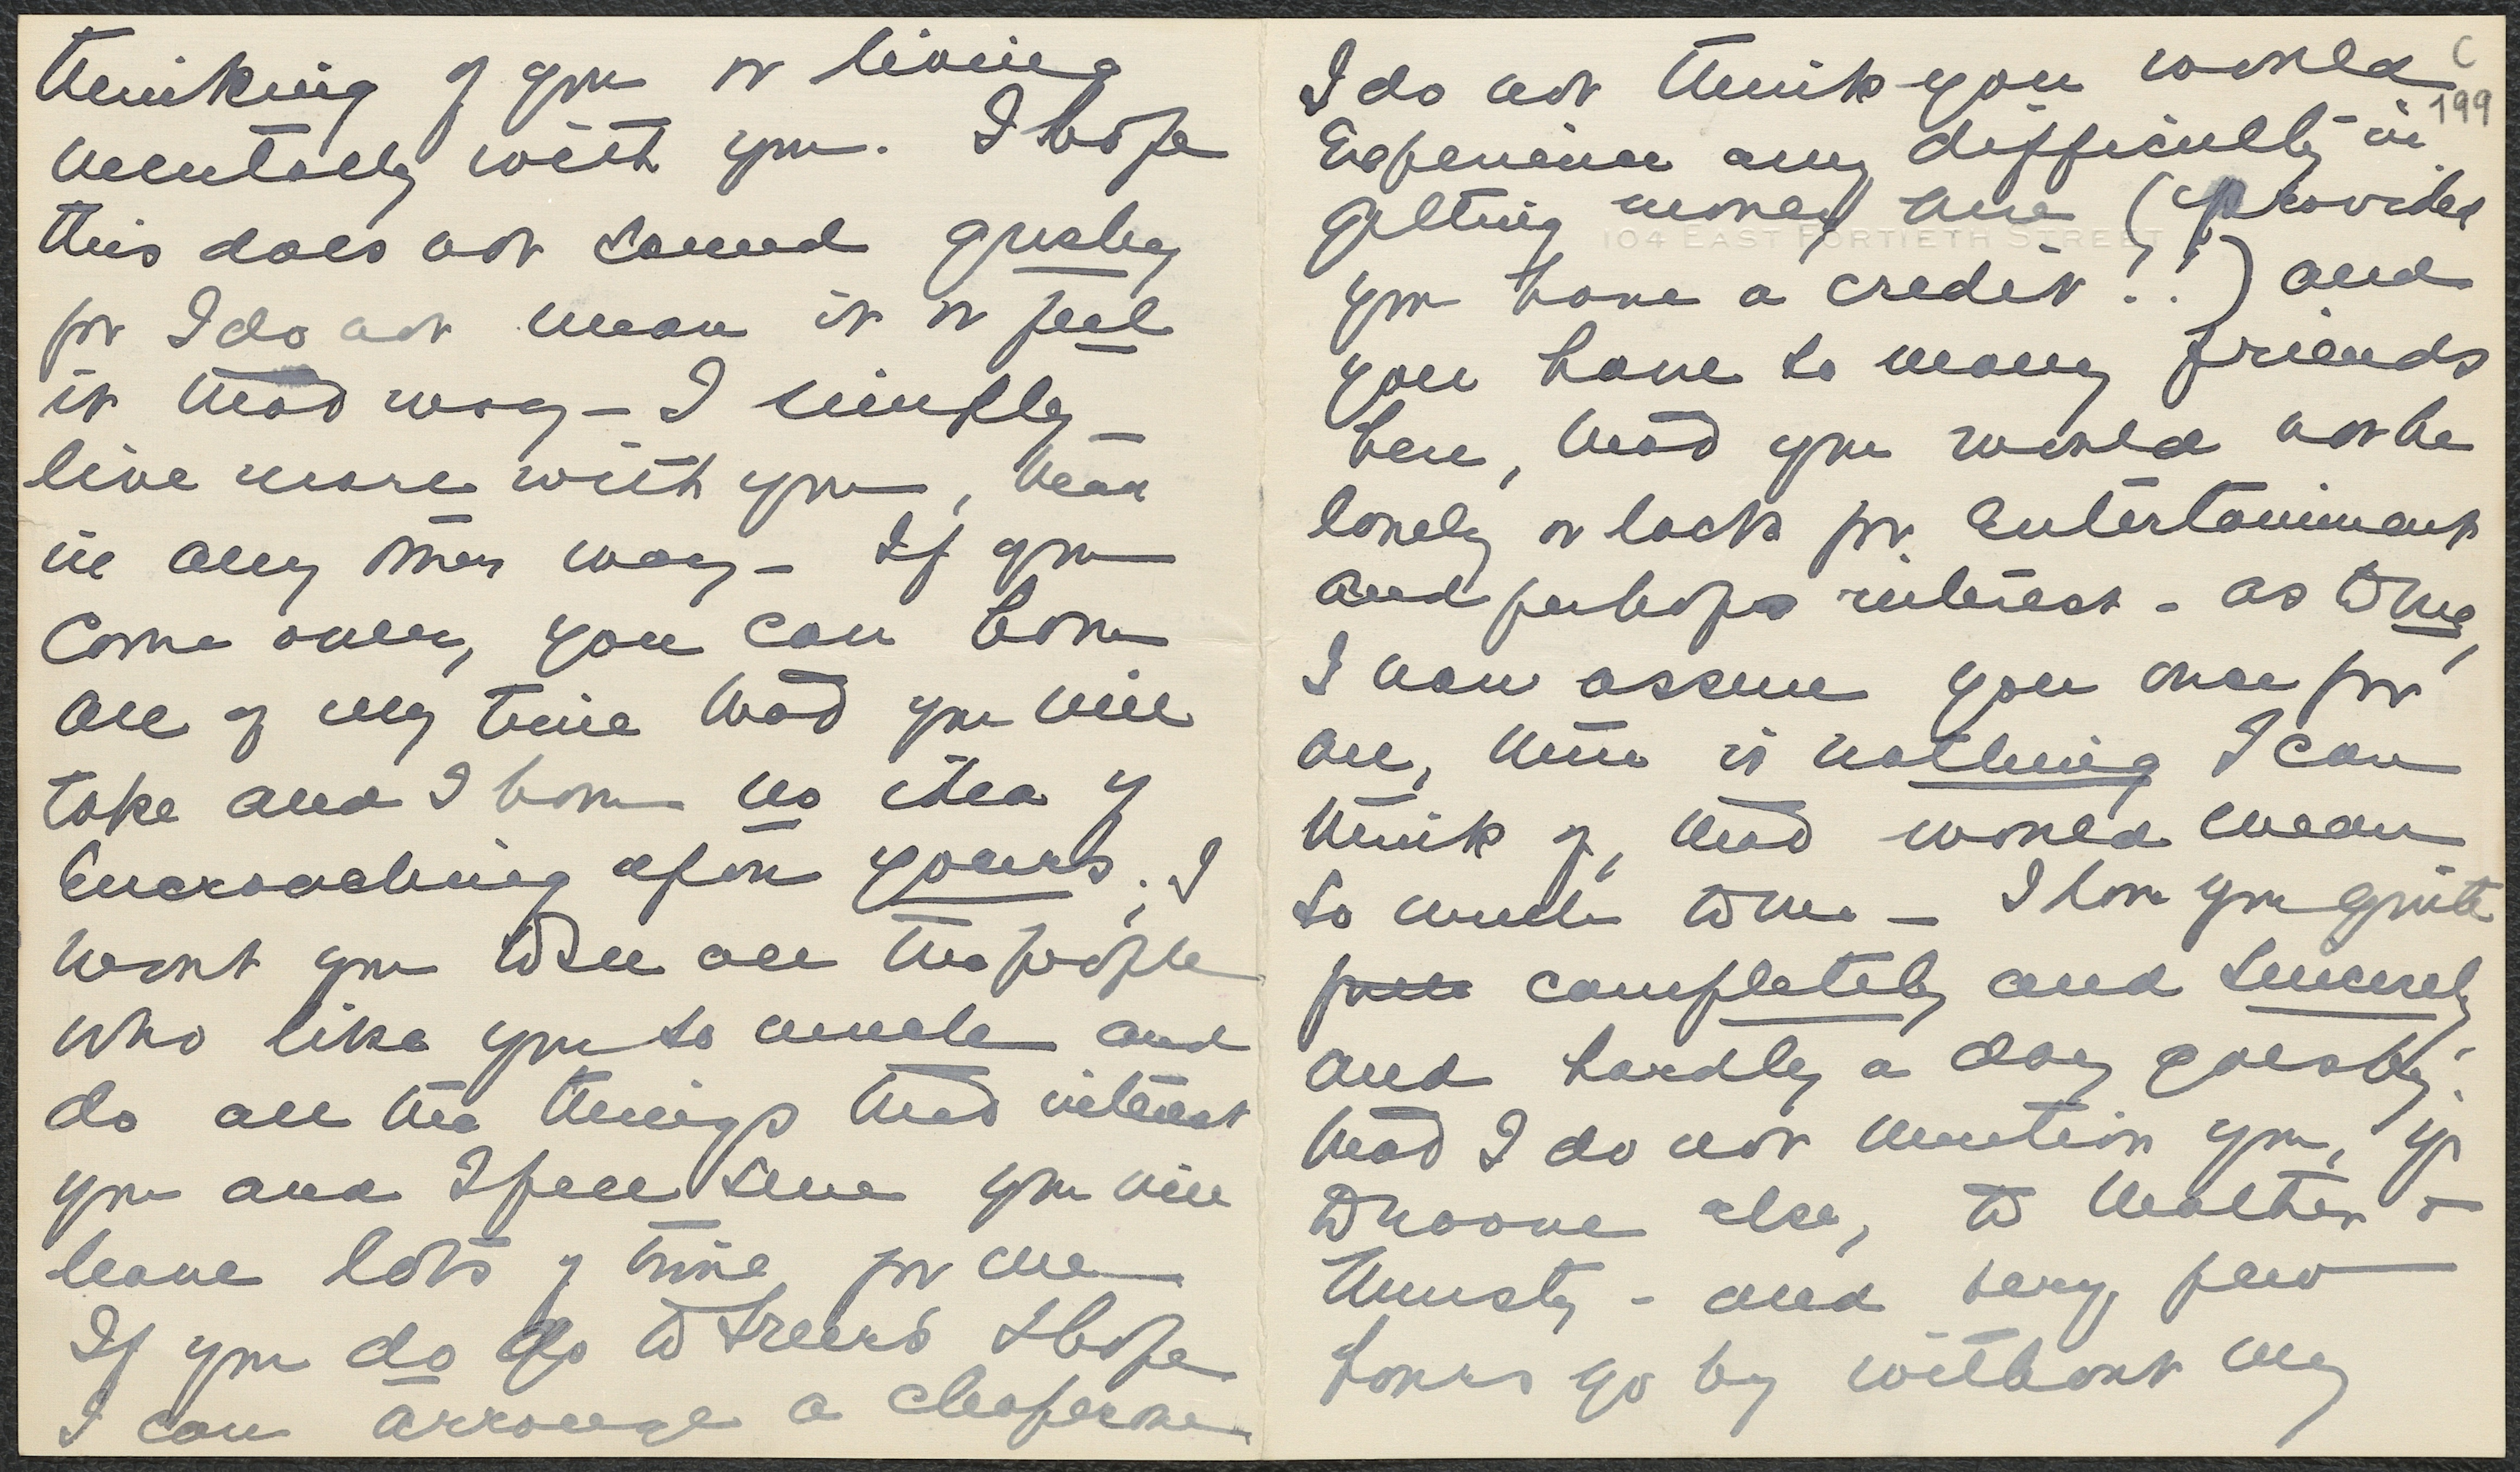I do not think you would experience any difficulty in getting money here (provided you have a credit!!) and you have so many friends here, that you would not be lonely or lack for entertainment and perhaps interest – as to me, I now assure you once for all, there is nothing I can think of, that would mean so much to me – I love you quite full completely and sincerely, and hardly a day goes by, that I do not mention you, if to noone [sic] else, to Mother & Thursty – and very few hours go by without my
thinking of you or living mentally with you. I hope this does not sound gushy for I do not mean it or feel it that way – I simply live more with you, than in any other way – If you come over, you can have all of my time that you will take and I have no idea of encroaching upon yours; I want you to see all the people who like you so much and do all the things that interest you and I feel sure you will leave lots of time for me –
If you do go to Freer's I hope I can arrange a chaperone